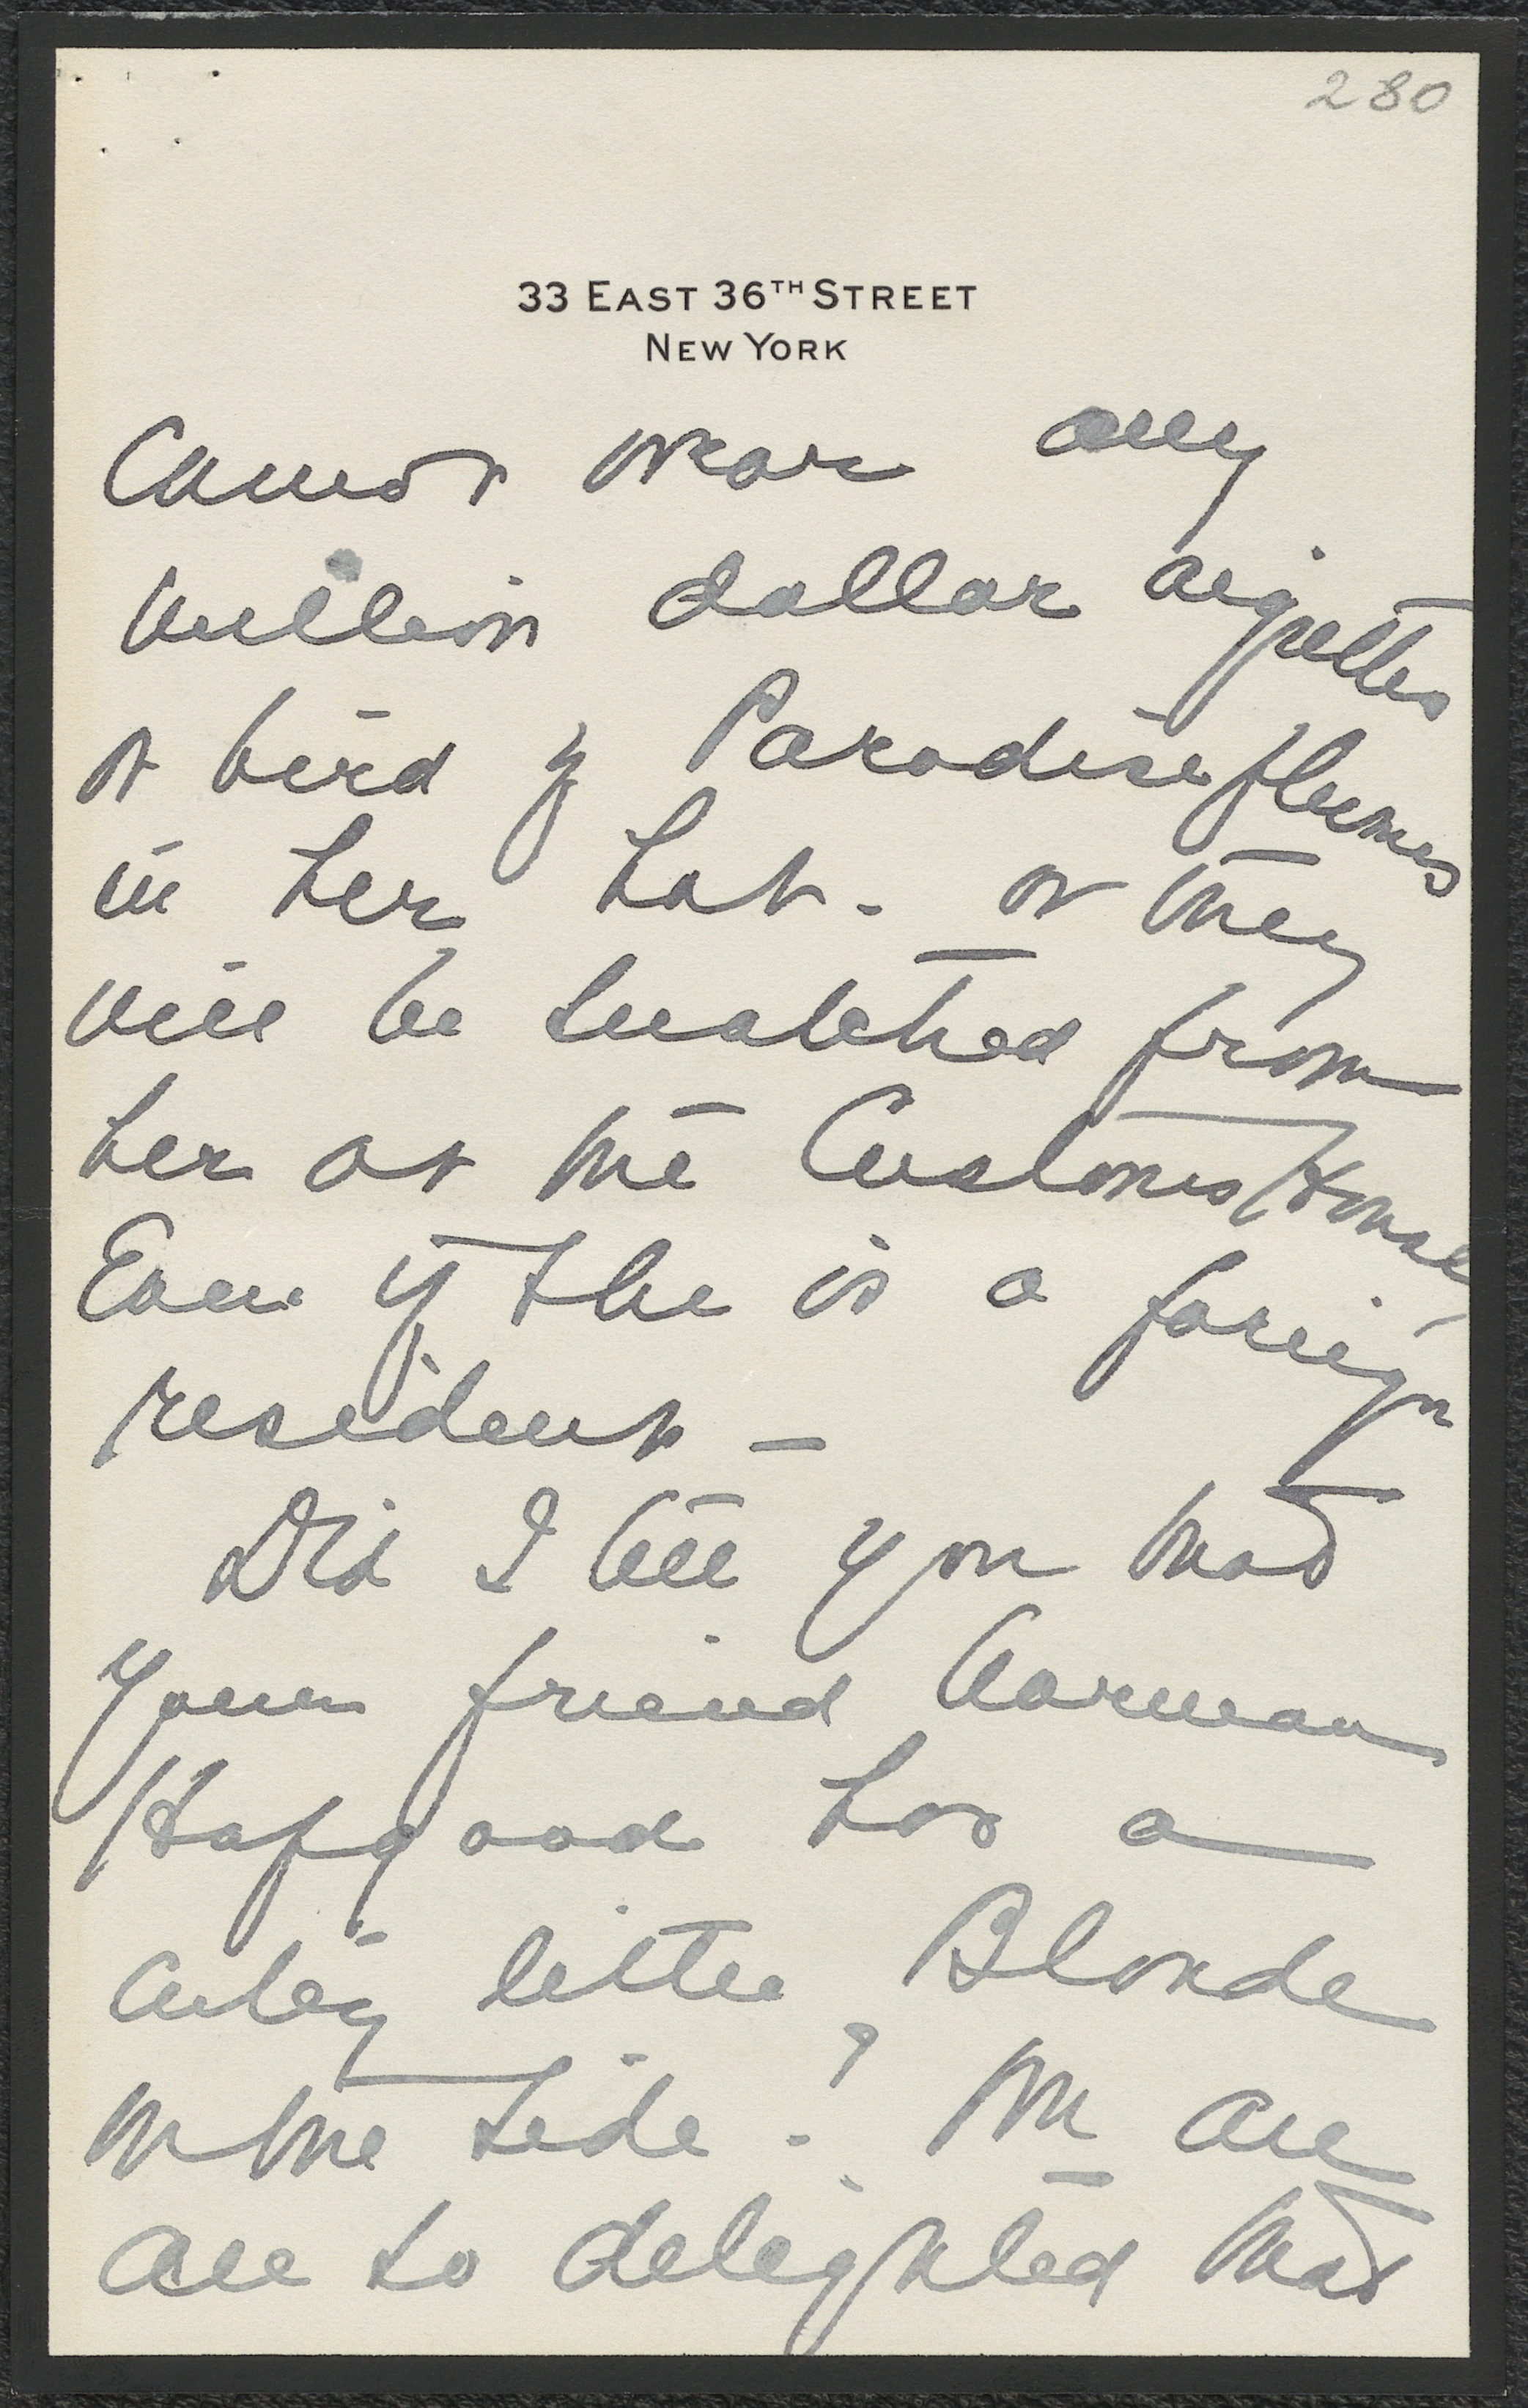cannot wear any million dollar vignettes of bird of Paradise plumes in her hat – or they will be snatched from her at the Customs House, even if she is a foreign resident –
Did I tell you that your friend Norman Hapgood has a cutey little Blonde on the side? We are all so delighted that